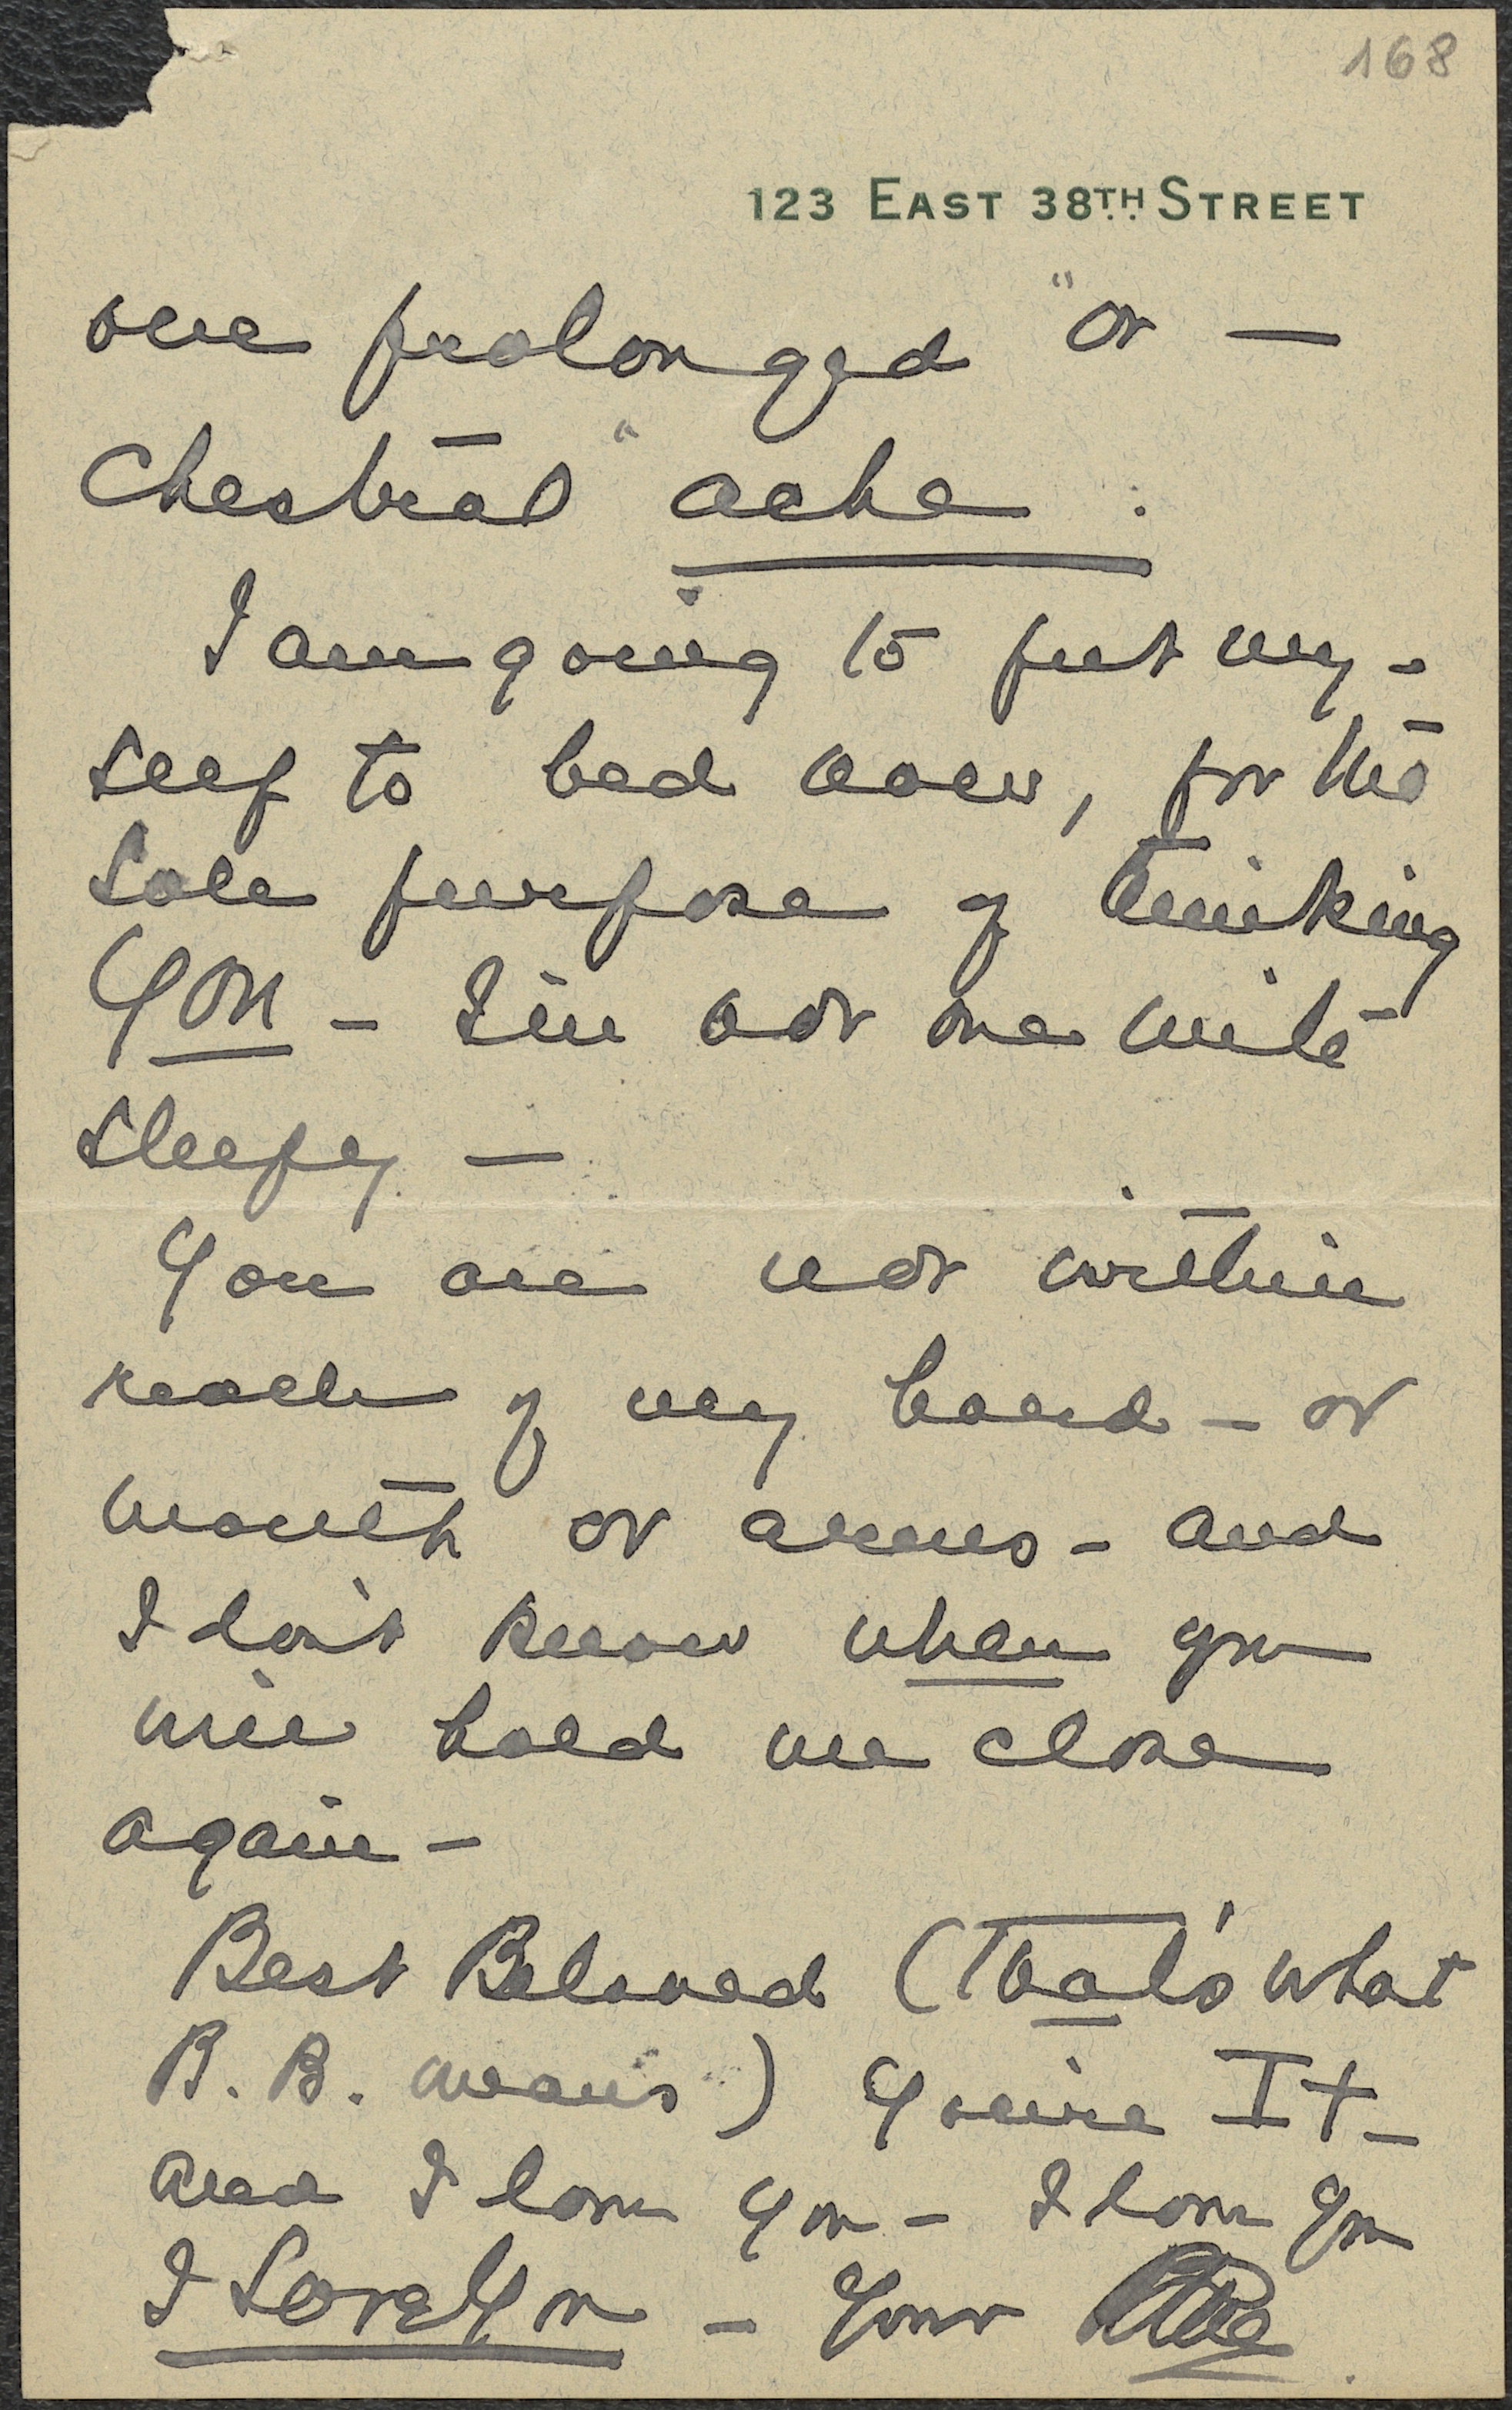one prolonged "orchestral" ache.
I am going to put myself to bed now, for the sole purpose of thinking YOU – I'm not one mite sleepy –
You are not within reach of my hand – or mouth or arms – and I don't know when you will hold me close again –
Best Beloved (That's what B.B. means) You're [in print hand: It] – and I love you – I Love You
I Love You – Your Belle